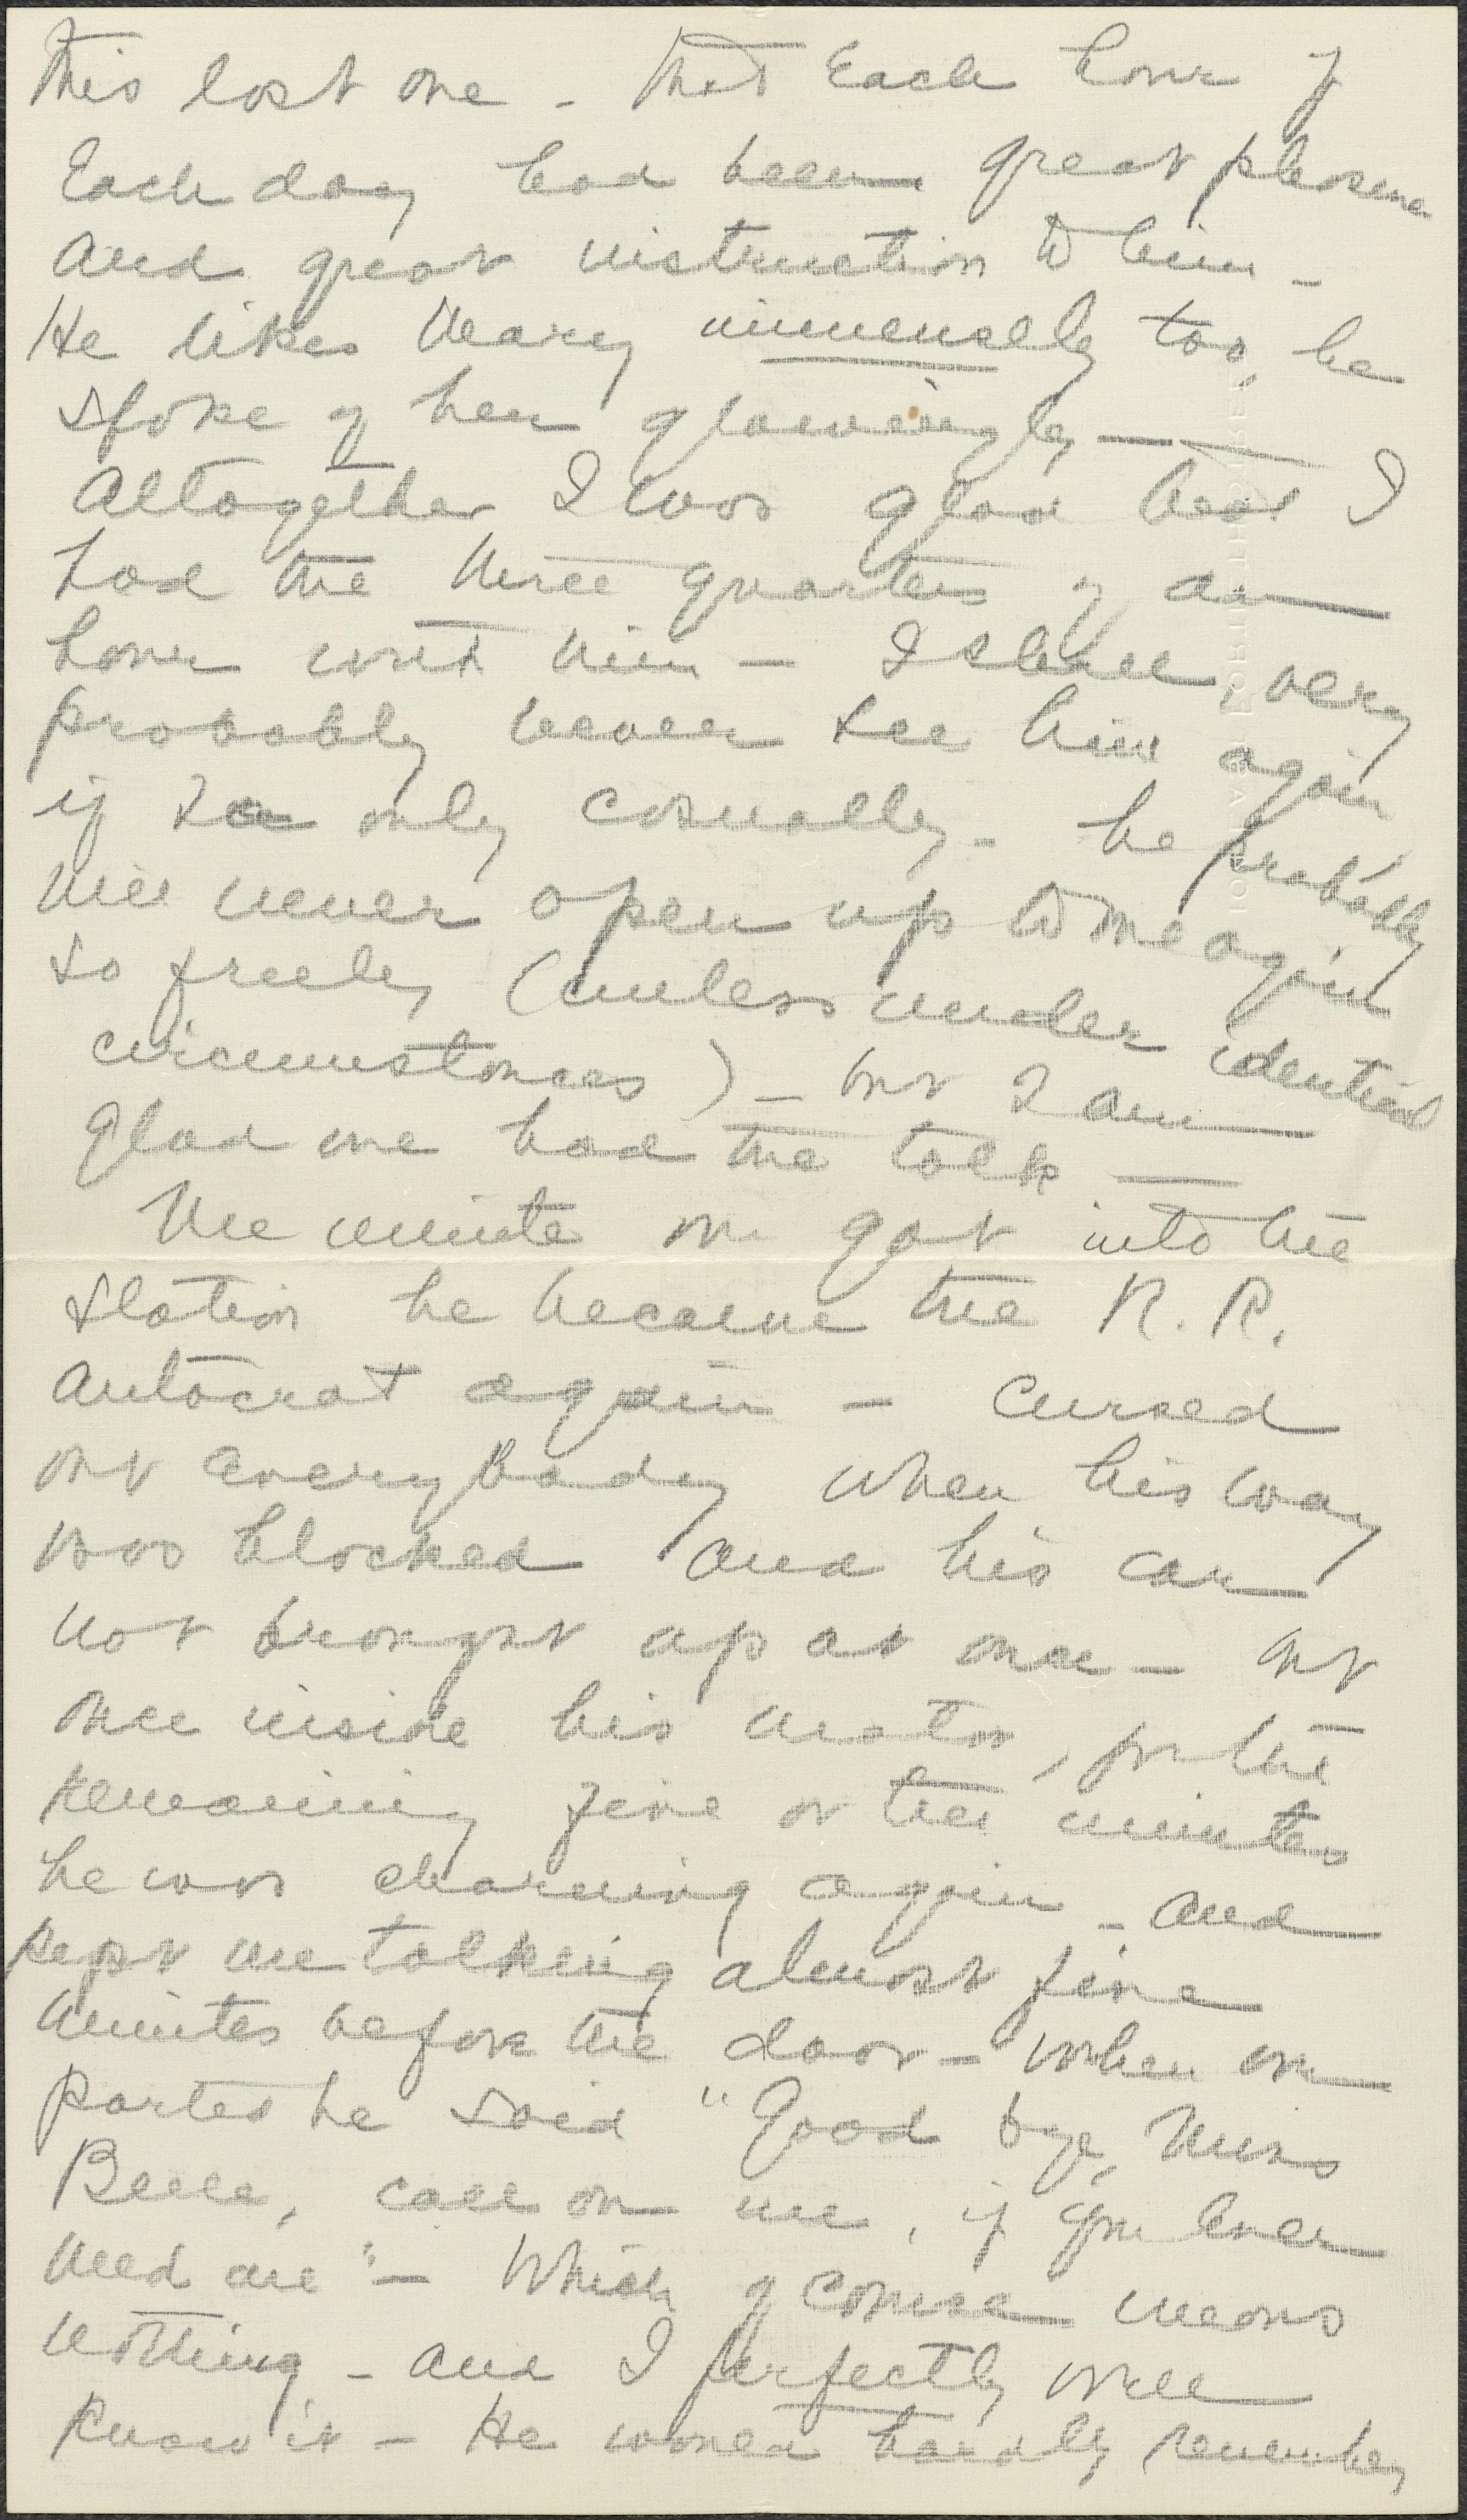this last one – that each hour of each day had been great pleasure and great instruction to him – He likes Mary immensely too, he spoke of her glowingly – Altogether I was glad that I had the three quarters of an hour with him – I shall, very probably never see him again if so only casually – he probably will never open up to me again so freely (unless under identical circumstances) – but I am glad we had the talk –
The minute we got into the station he became the R.R. autocrat again – cursed out everybody when his way was blocked and his car not brought up at once – but once inside his motor, for the remaining five or ten minutes he was charming again – and kept me talking almost five minutes before the door – when we parted he said “Good bye, Miss Belle, call on me, if you ever need me” – Which of course means nothing – and I perfectly well know it – He would hardly remember